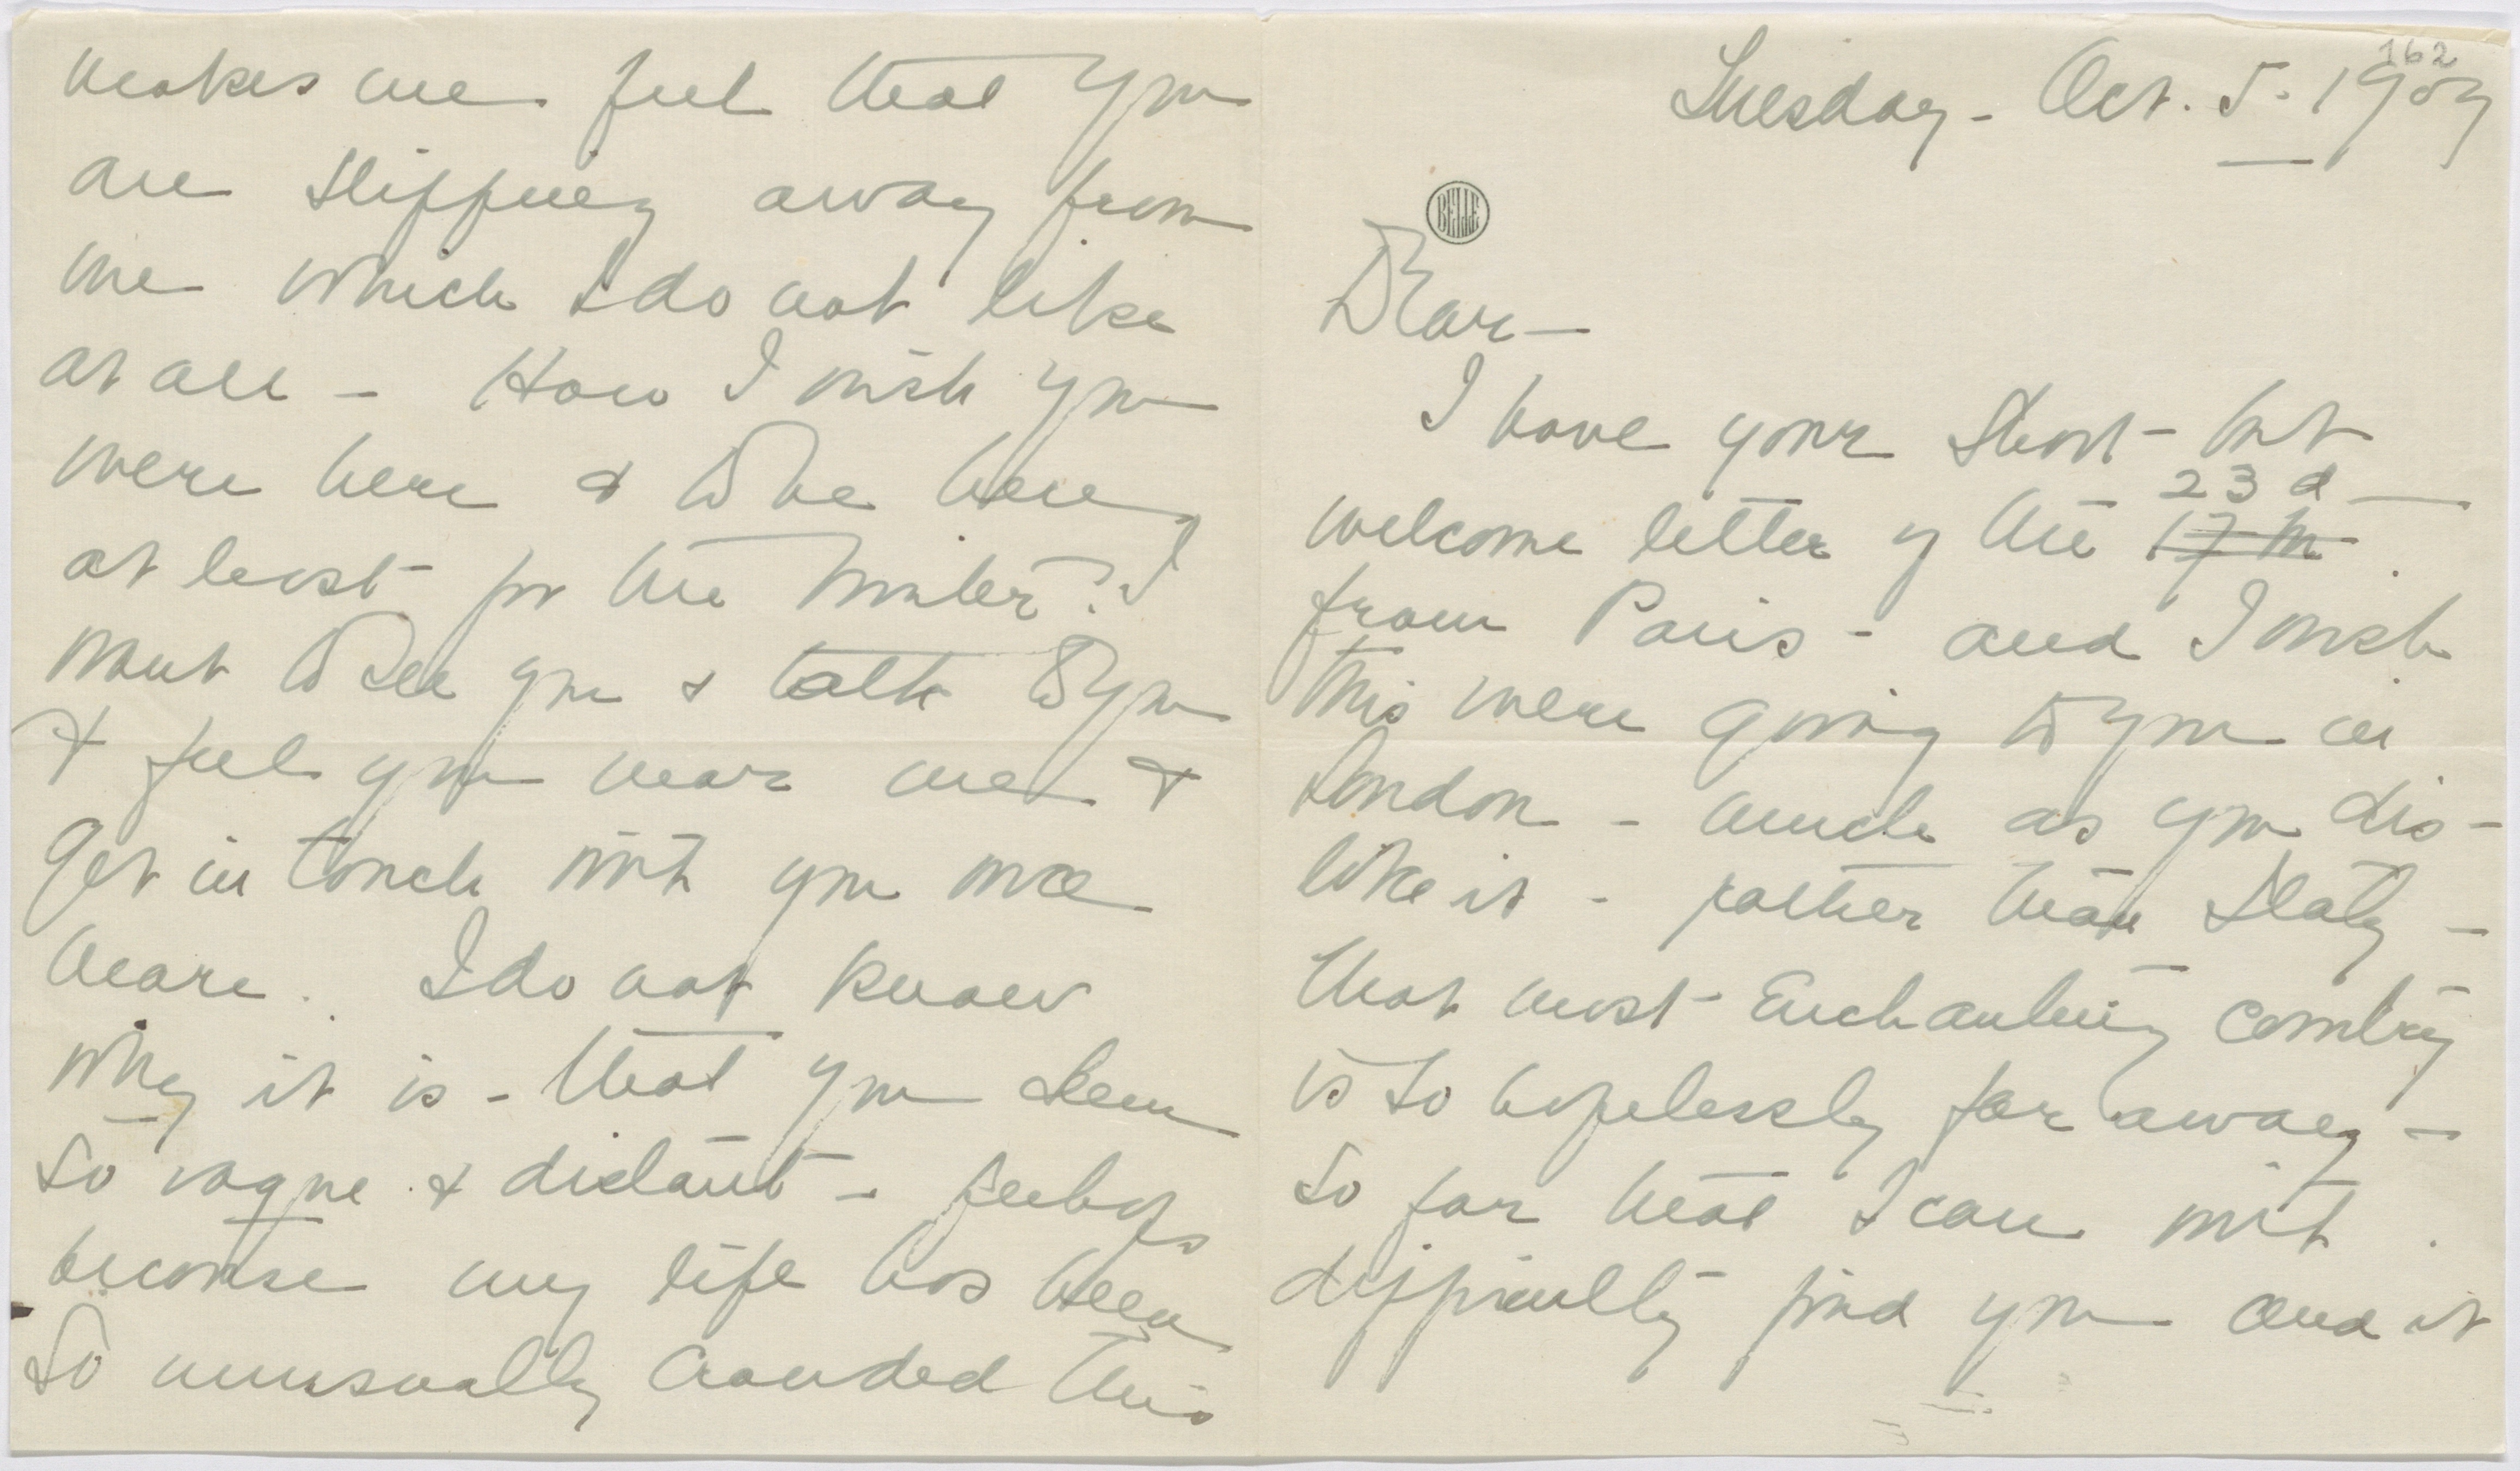Tuesday – Oct. 5. 1909
Dear –
I have your short but welcome letter of the 17th ˆ23dˆ – from Paris – and I wish this were going to you in London – much as you dislike it – rather than Italy – that most enchanting country is so hopelessly far away – so far that I can with difficulty find you and it
makes me feel that you are slipping away from me which I do not like at all – How I wish you were here & to be here at least for the winter? I want to see you & talk to you & feel you near me & get in touch with you once more. I do not know why it is – that you seem so vague & distant – perhaps because my life has been so unusually crowded this